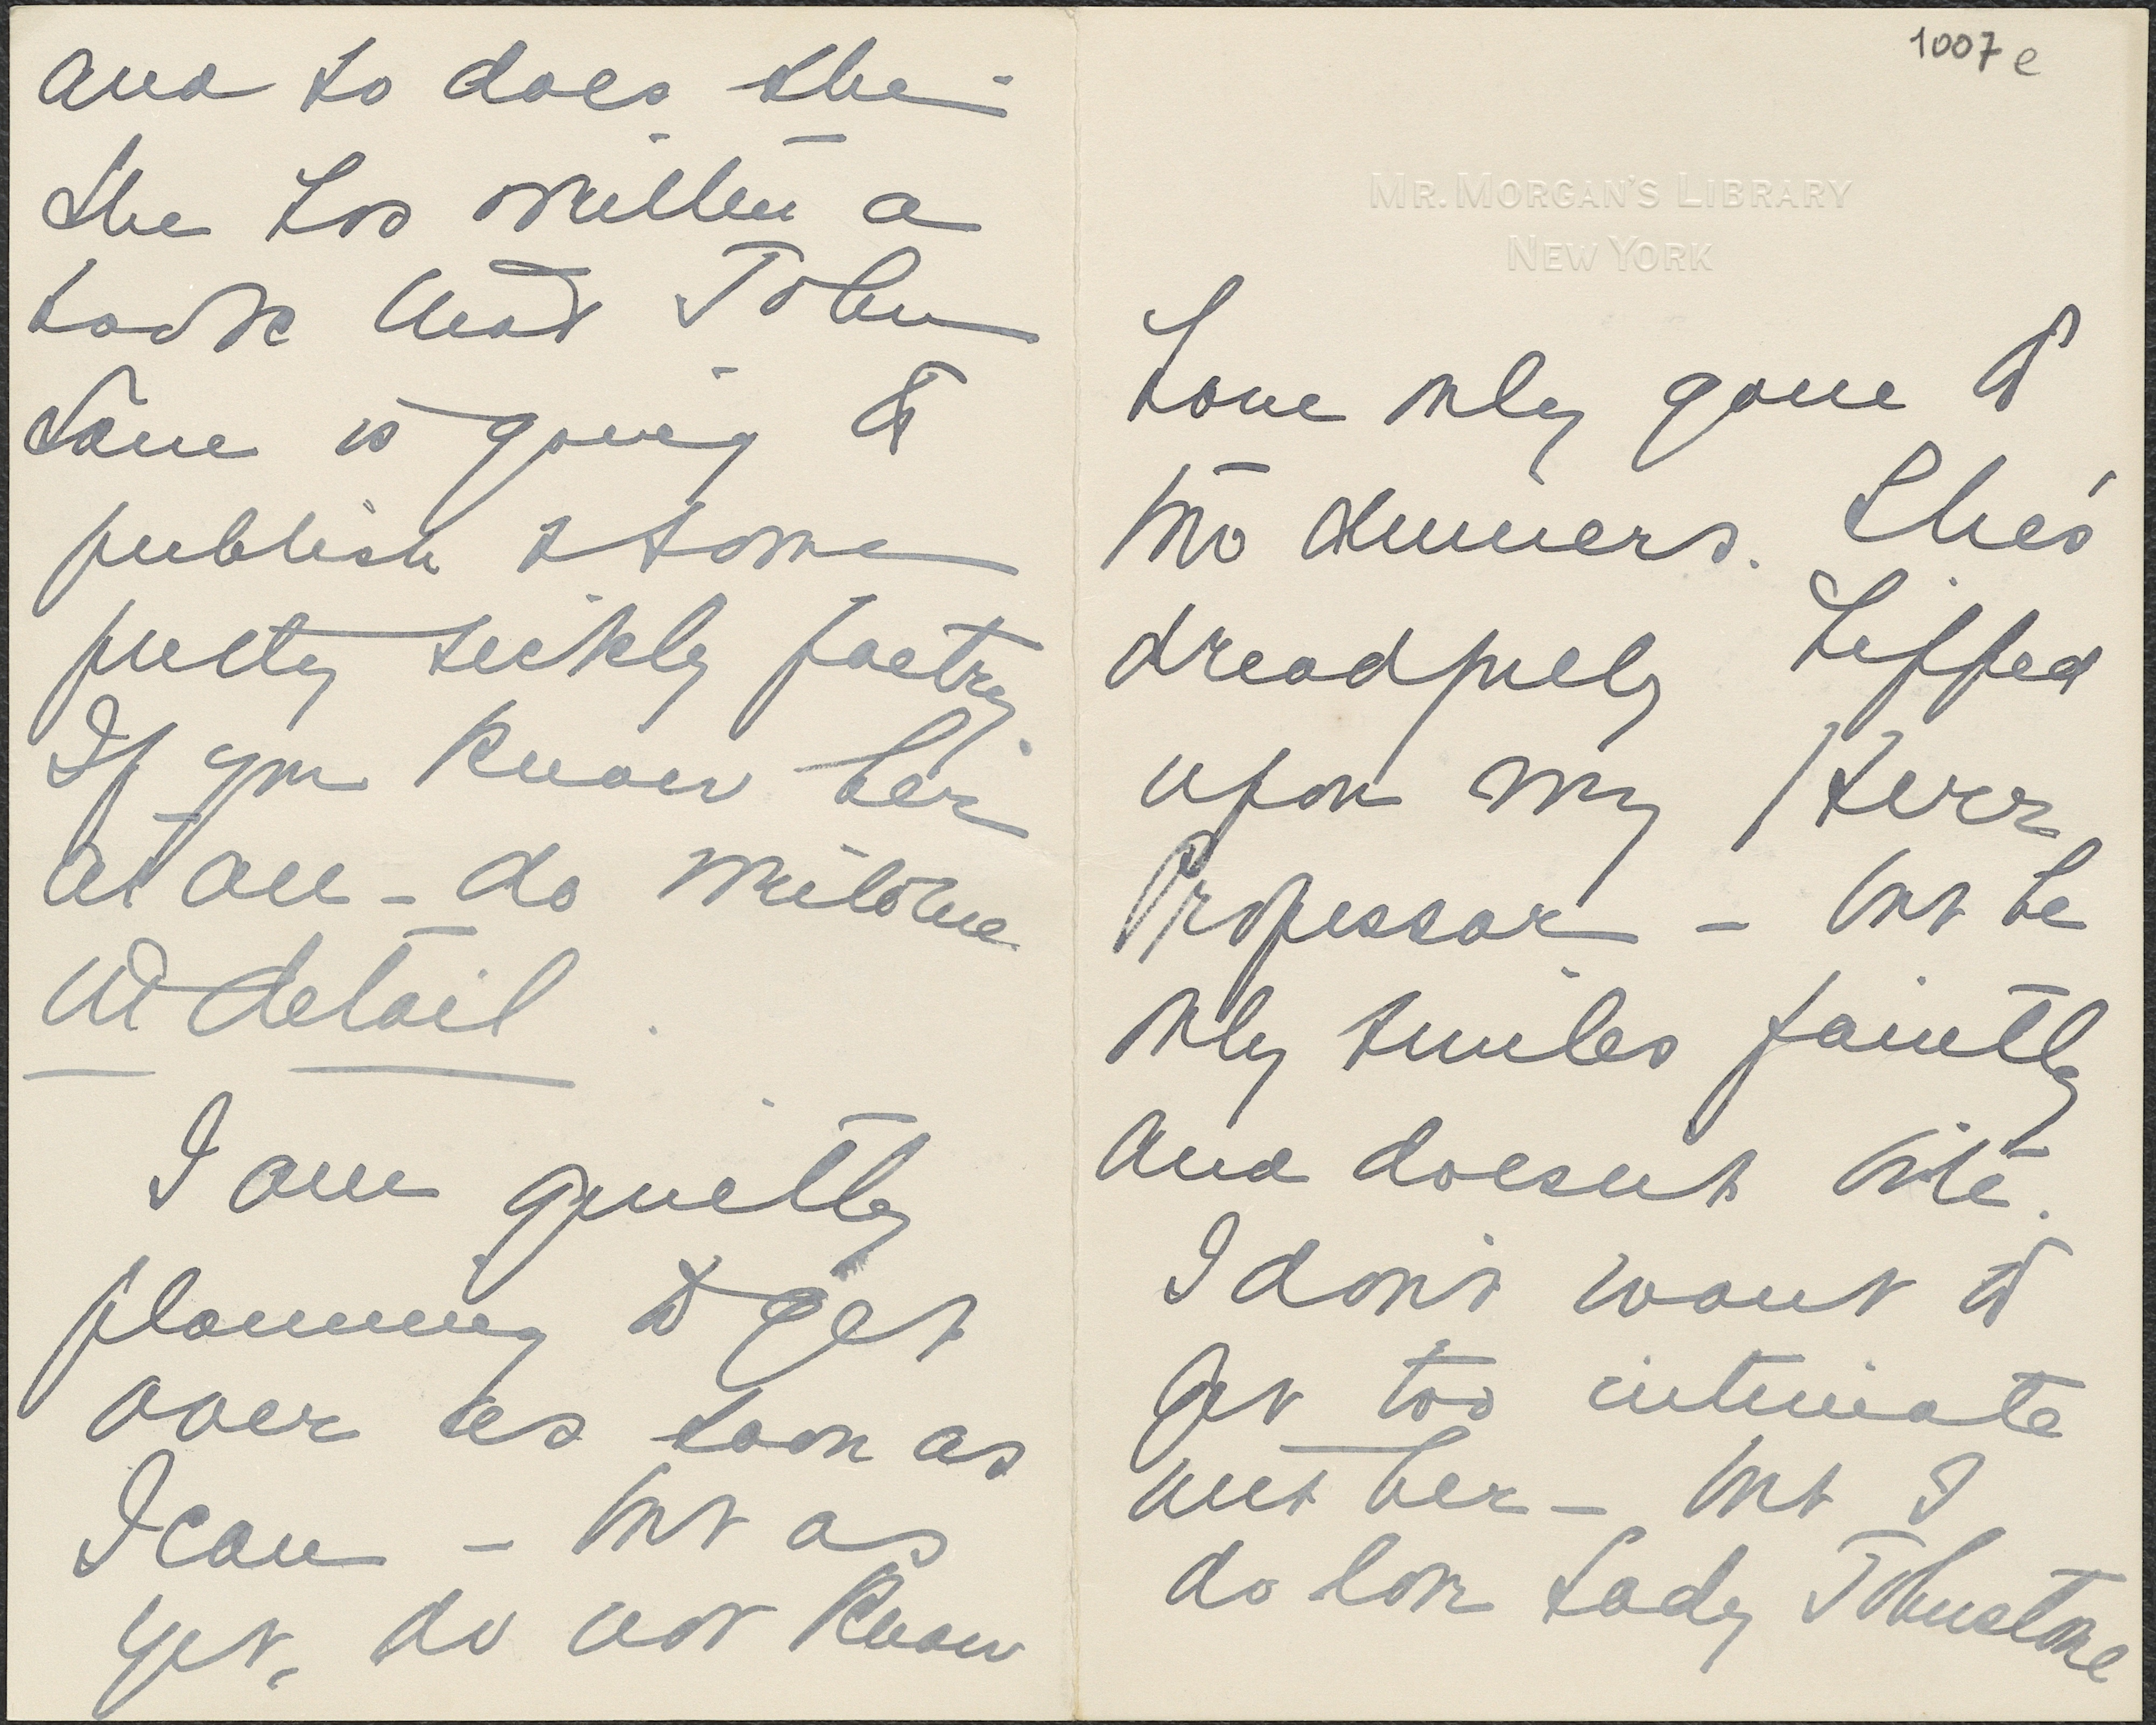have only gone to two dinners. She’s dreadfully hipped upon my Herr Professor – but he only smiles faintly and doesn’t bite.
I don’t want to get too intimate with her – but I do love Lady Johnstone
and so does she – She has written a book that John Lane is going to publish & some pretty sickly poetry. If you know her at all – do write me in detail
I am quietly planning to get over as soon as I can – but as yet, do not know